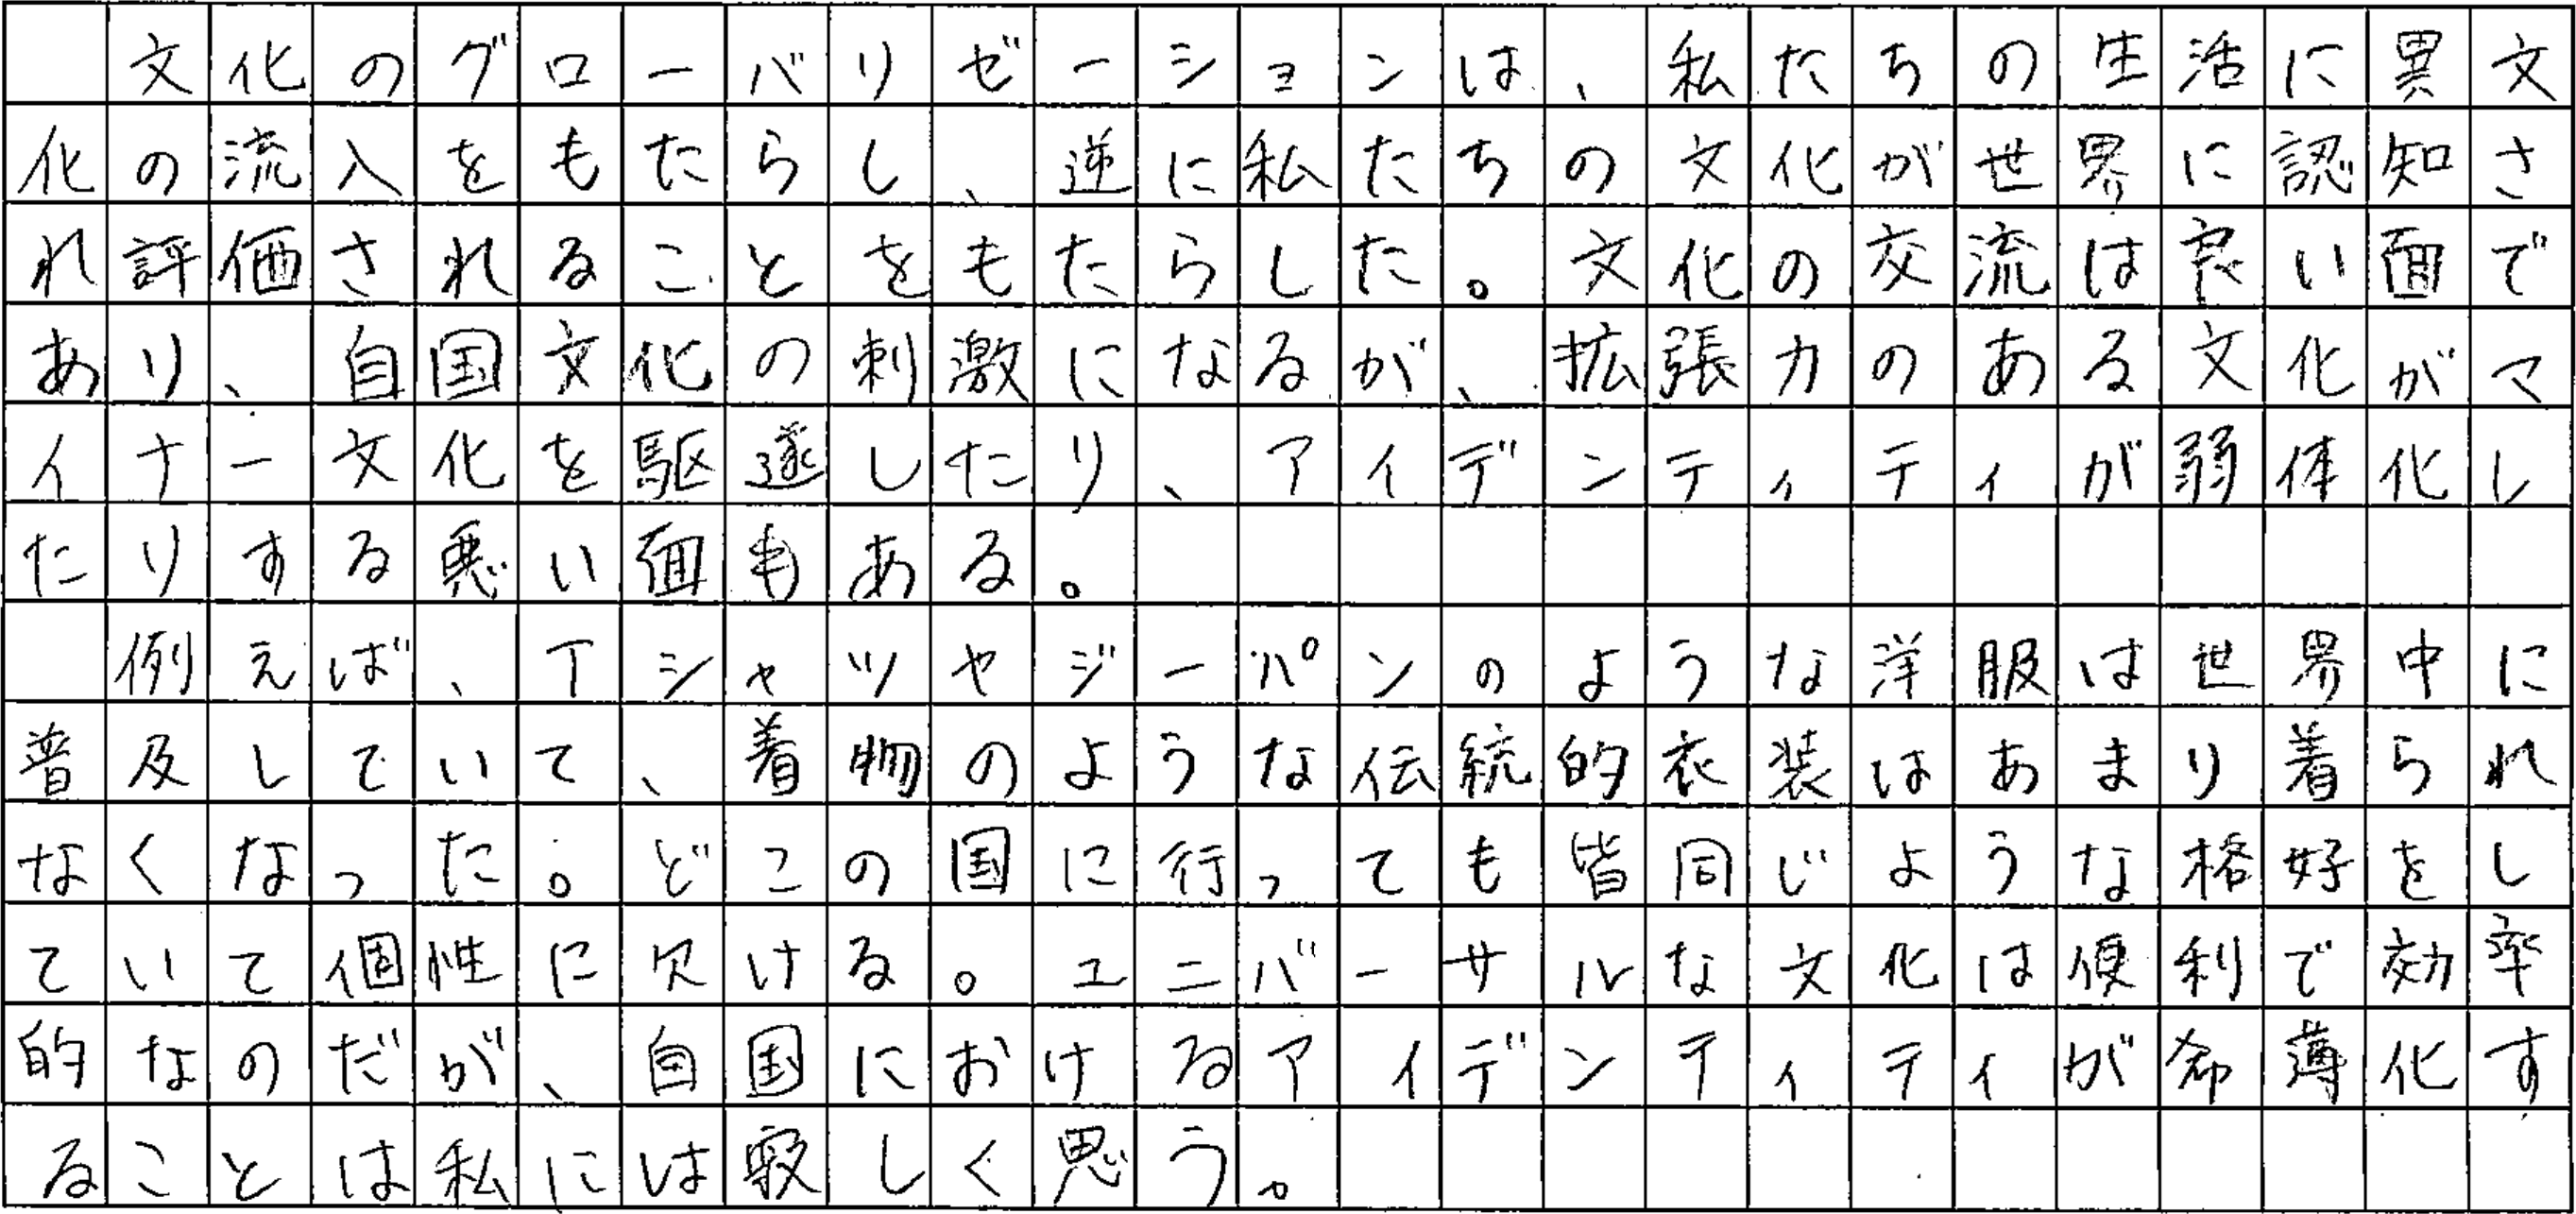　文化のグローバリゼーションは、私たちの生活に異文化の流入をもたらし、逆に私たちの文化が世界に認知され評価されることをもたらした。文化の交流は良い面であり、自国文化の刺激になるが、拡張力のある文化がマイナー文化を駆遂したり、アイデンティティが弱体化したりする悪い面もある。
　例えば、Ｔシャツやジーパンのような洋服は世界中に普及していて、着物のような伝統的衣装はあまり着られなくなった。どこの国に行っても皆同じような格好をしていて個性に欠ける。ユニバーサルな文化は便利で効率的なのだが、自国におけるアイデンティティが希薄化することは私には寂しく思う。
